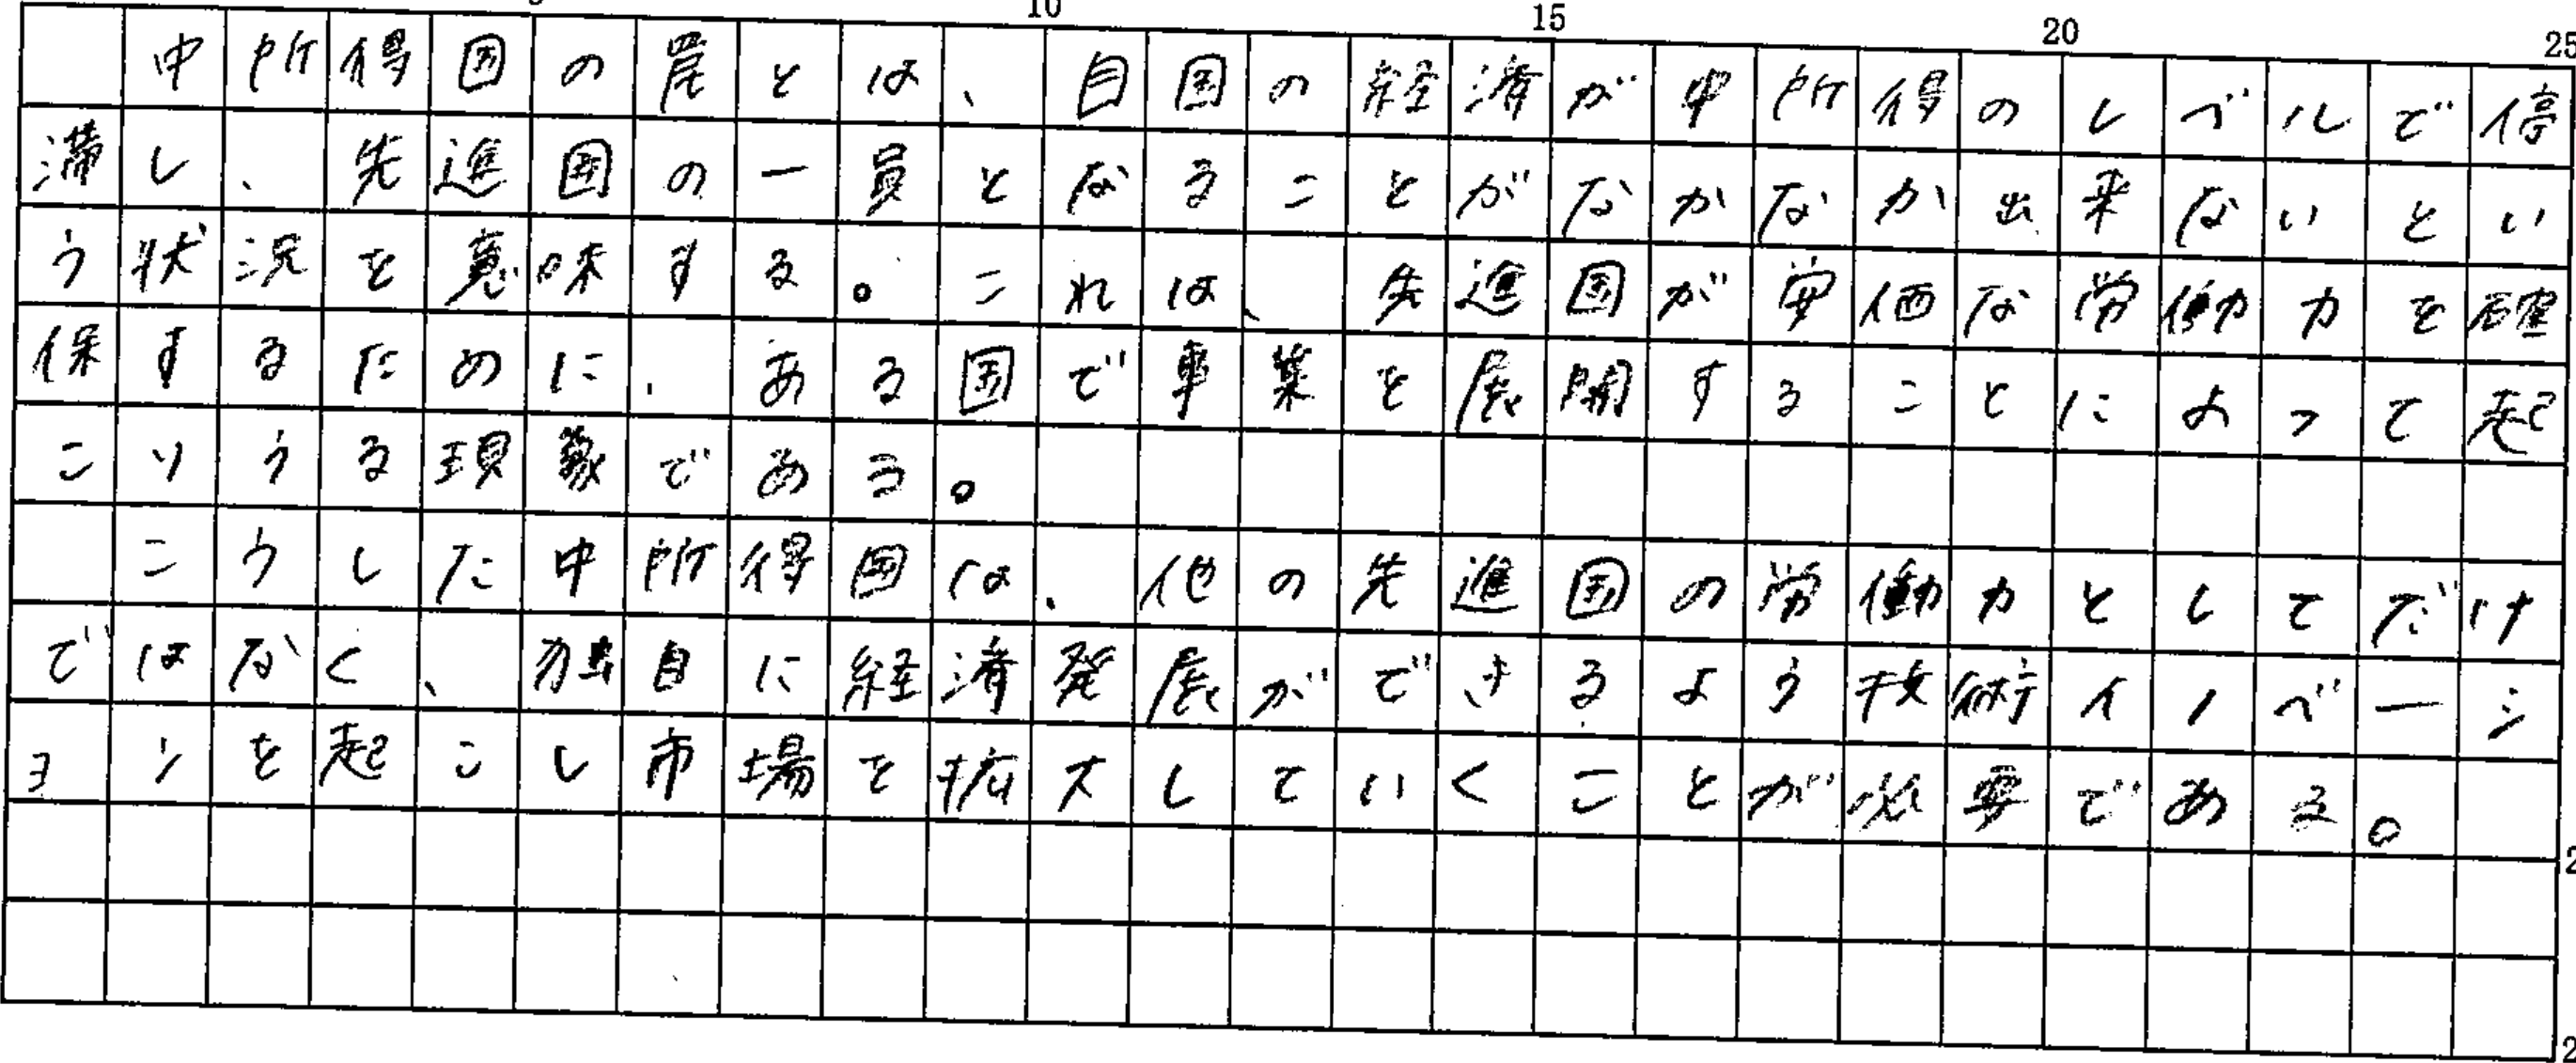　中所得国の罠とは、自国の経済が中所得のレベルで停滞し、先進国の一員となることがなかなか出来ないという状況を意味する。これは、先進国が安価な労働力を確保するために、ある国で事業を展開することによって起こりうる現象である。
　こうした中所得国は、他の先進国の労働力としてだけではなく、独自に経済発展ができるよう技術イノベーションを起こし市場を拡大していくことが必要である。
